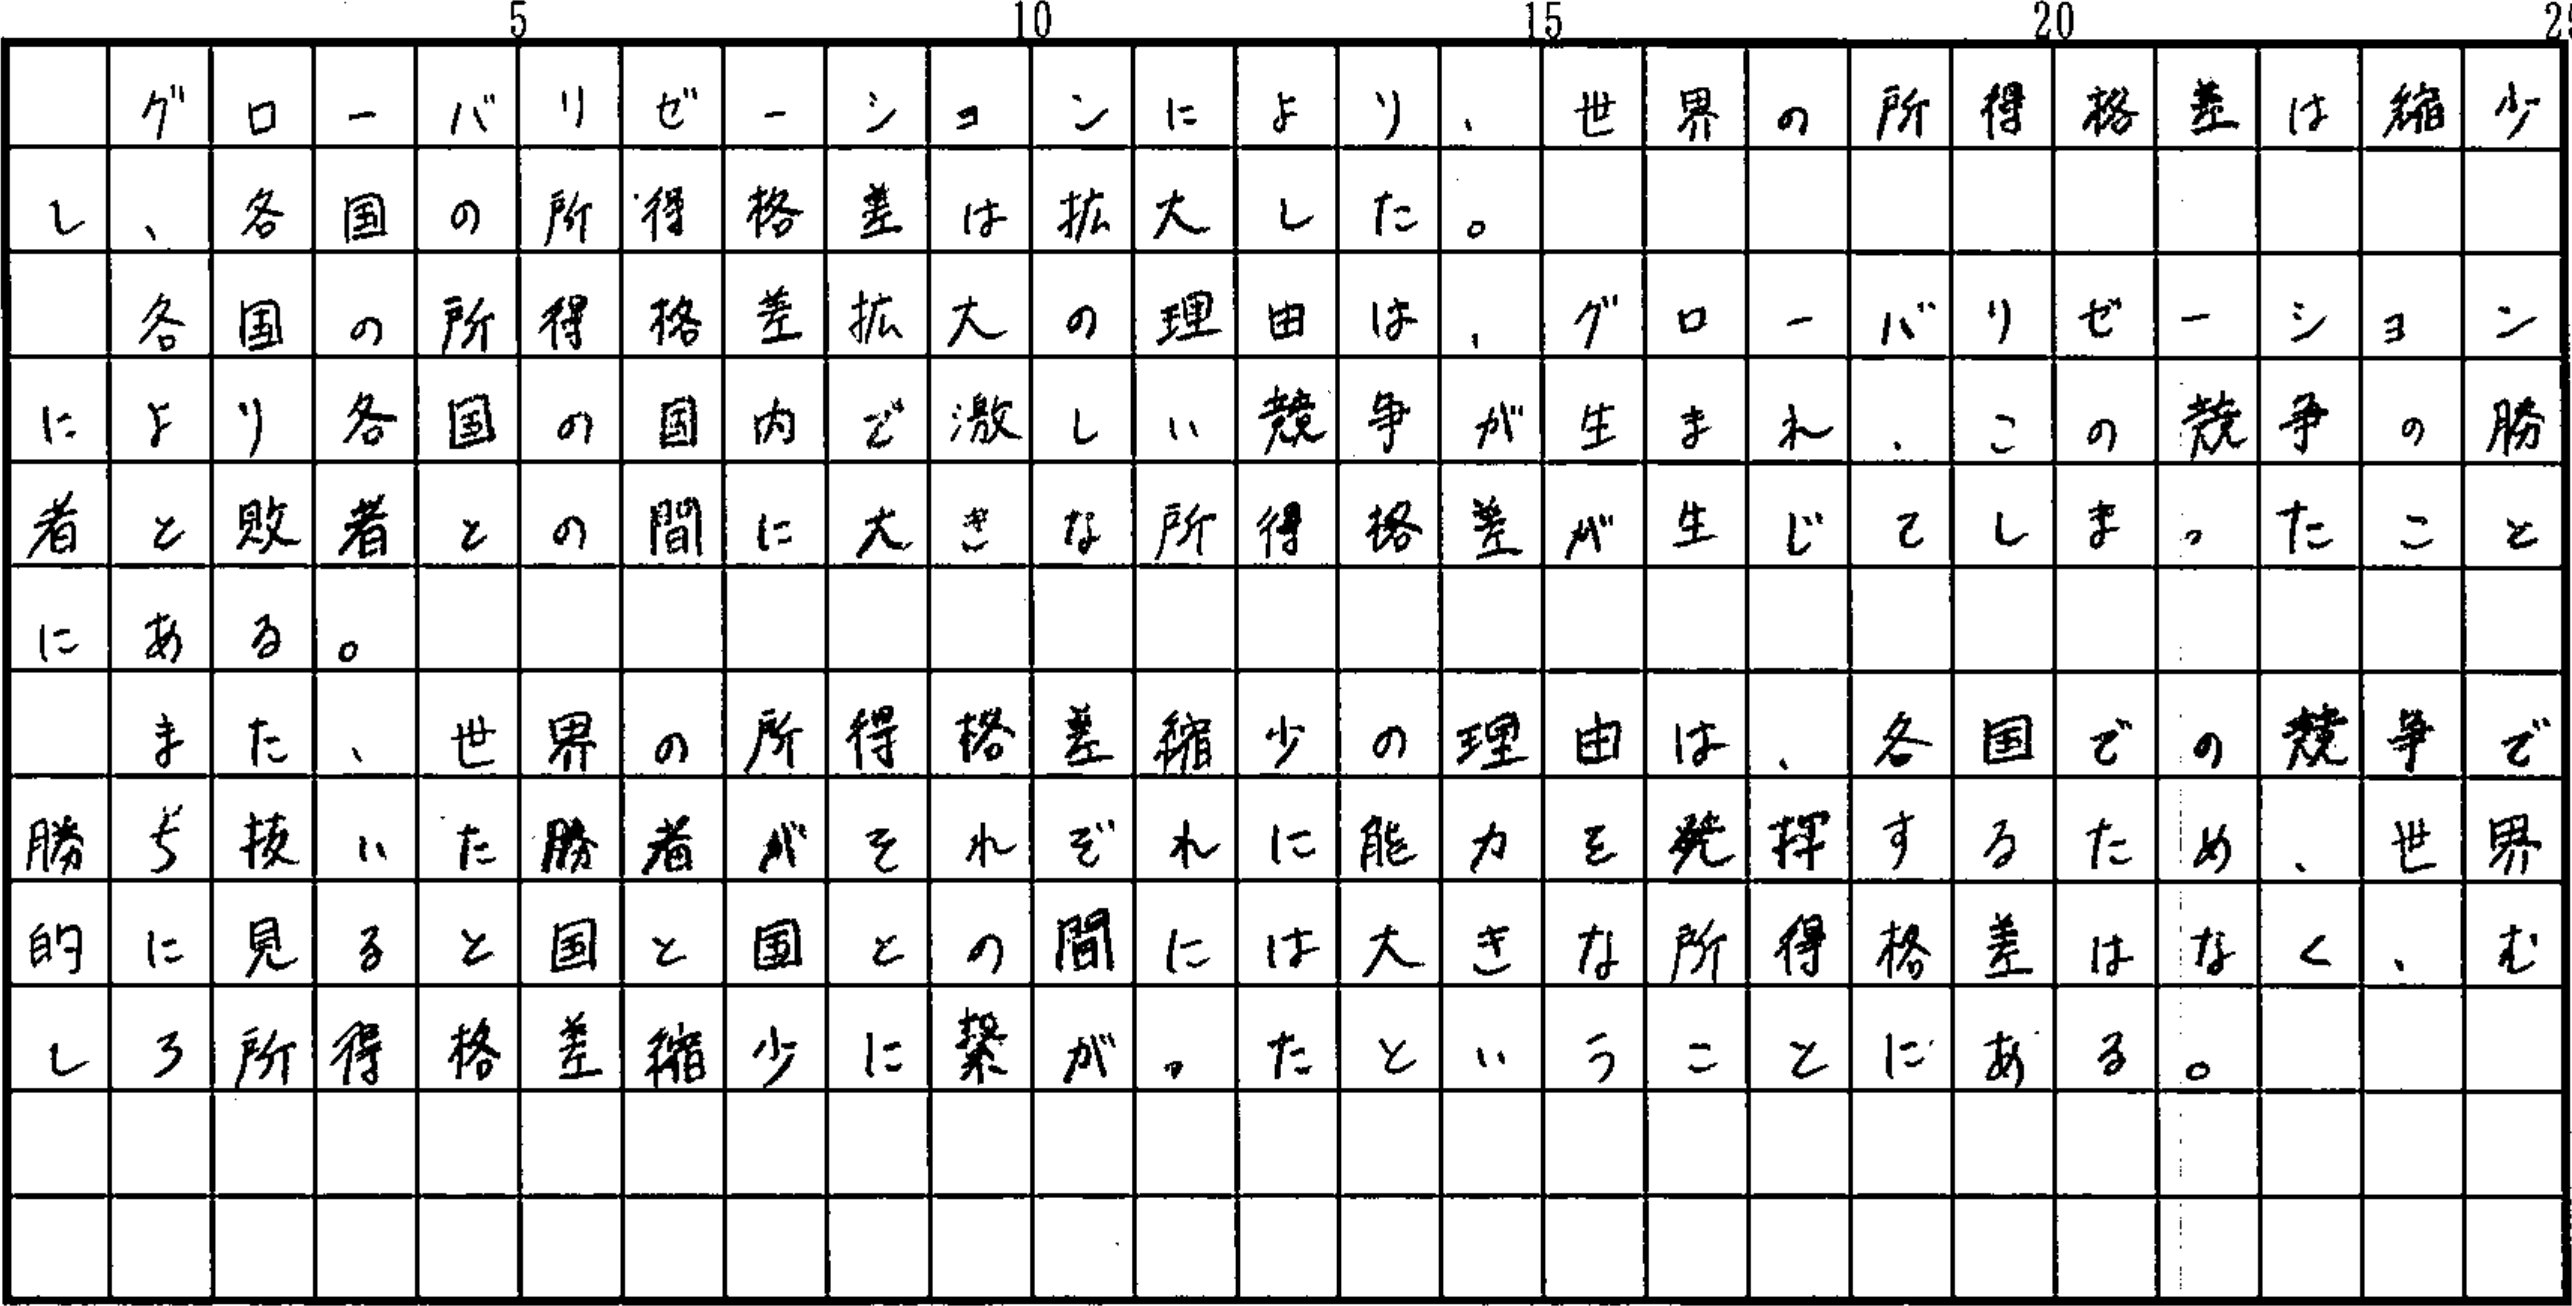　グローバリゼーションにより、世界の所得格差は縮少し、各国の所得格差は拡大した。
　各国の所得格差拡大の理由は、グローバリゼーションにより各国の国内で激しい競争が生まれ、この競争の勝者と敗者との間に大きな所得格差が生じてしまったことにある。
　また、世界の所得格差縮少の理由は、各国での競争で勝ち抜いた勝者がそれぞれに能力を発揮するため、世界的に見ると国と国との間には大きな所得格差はなく、むしろ所得格差縮少に繋がったということにある。
